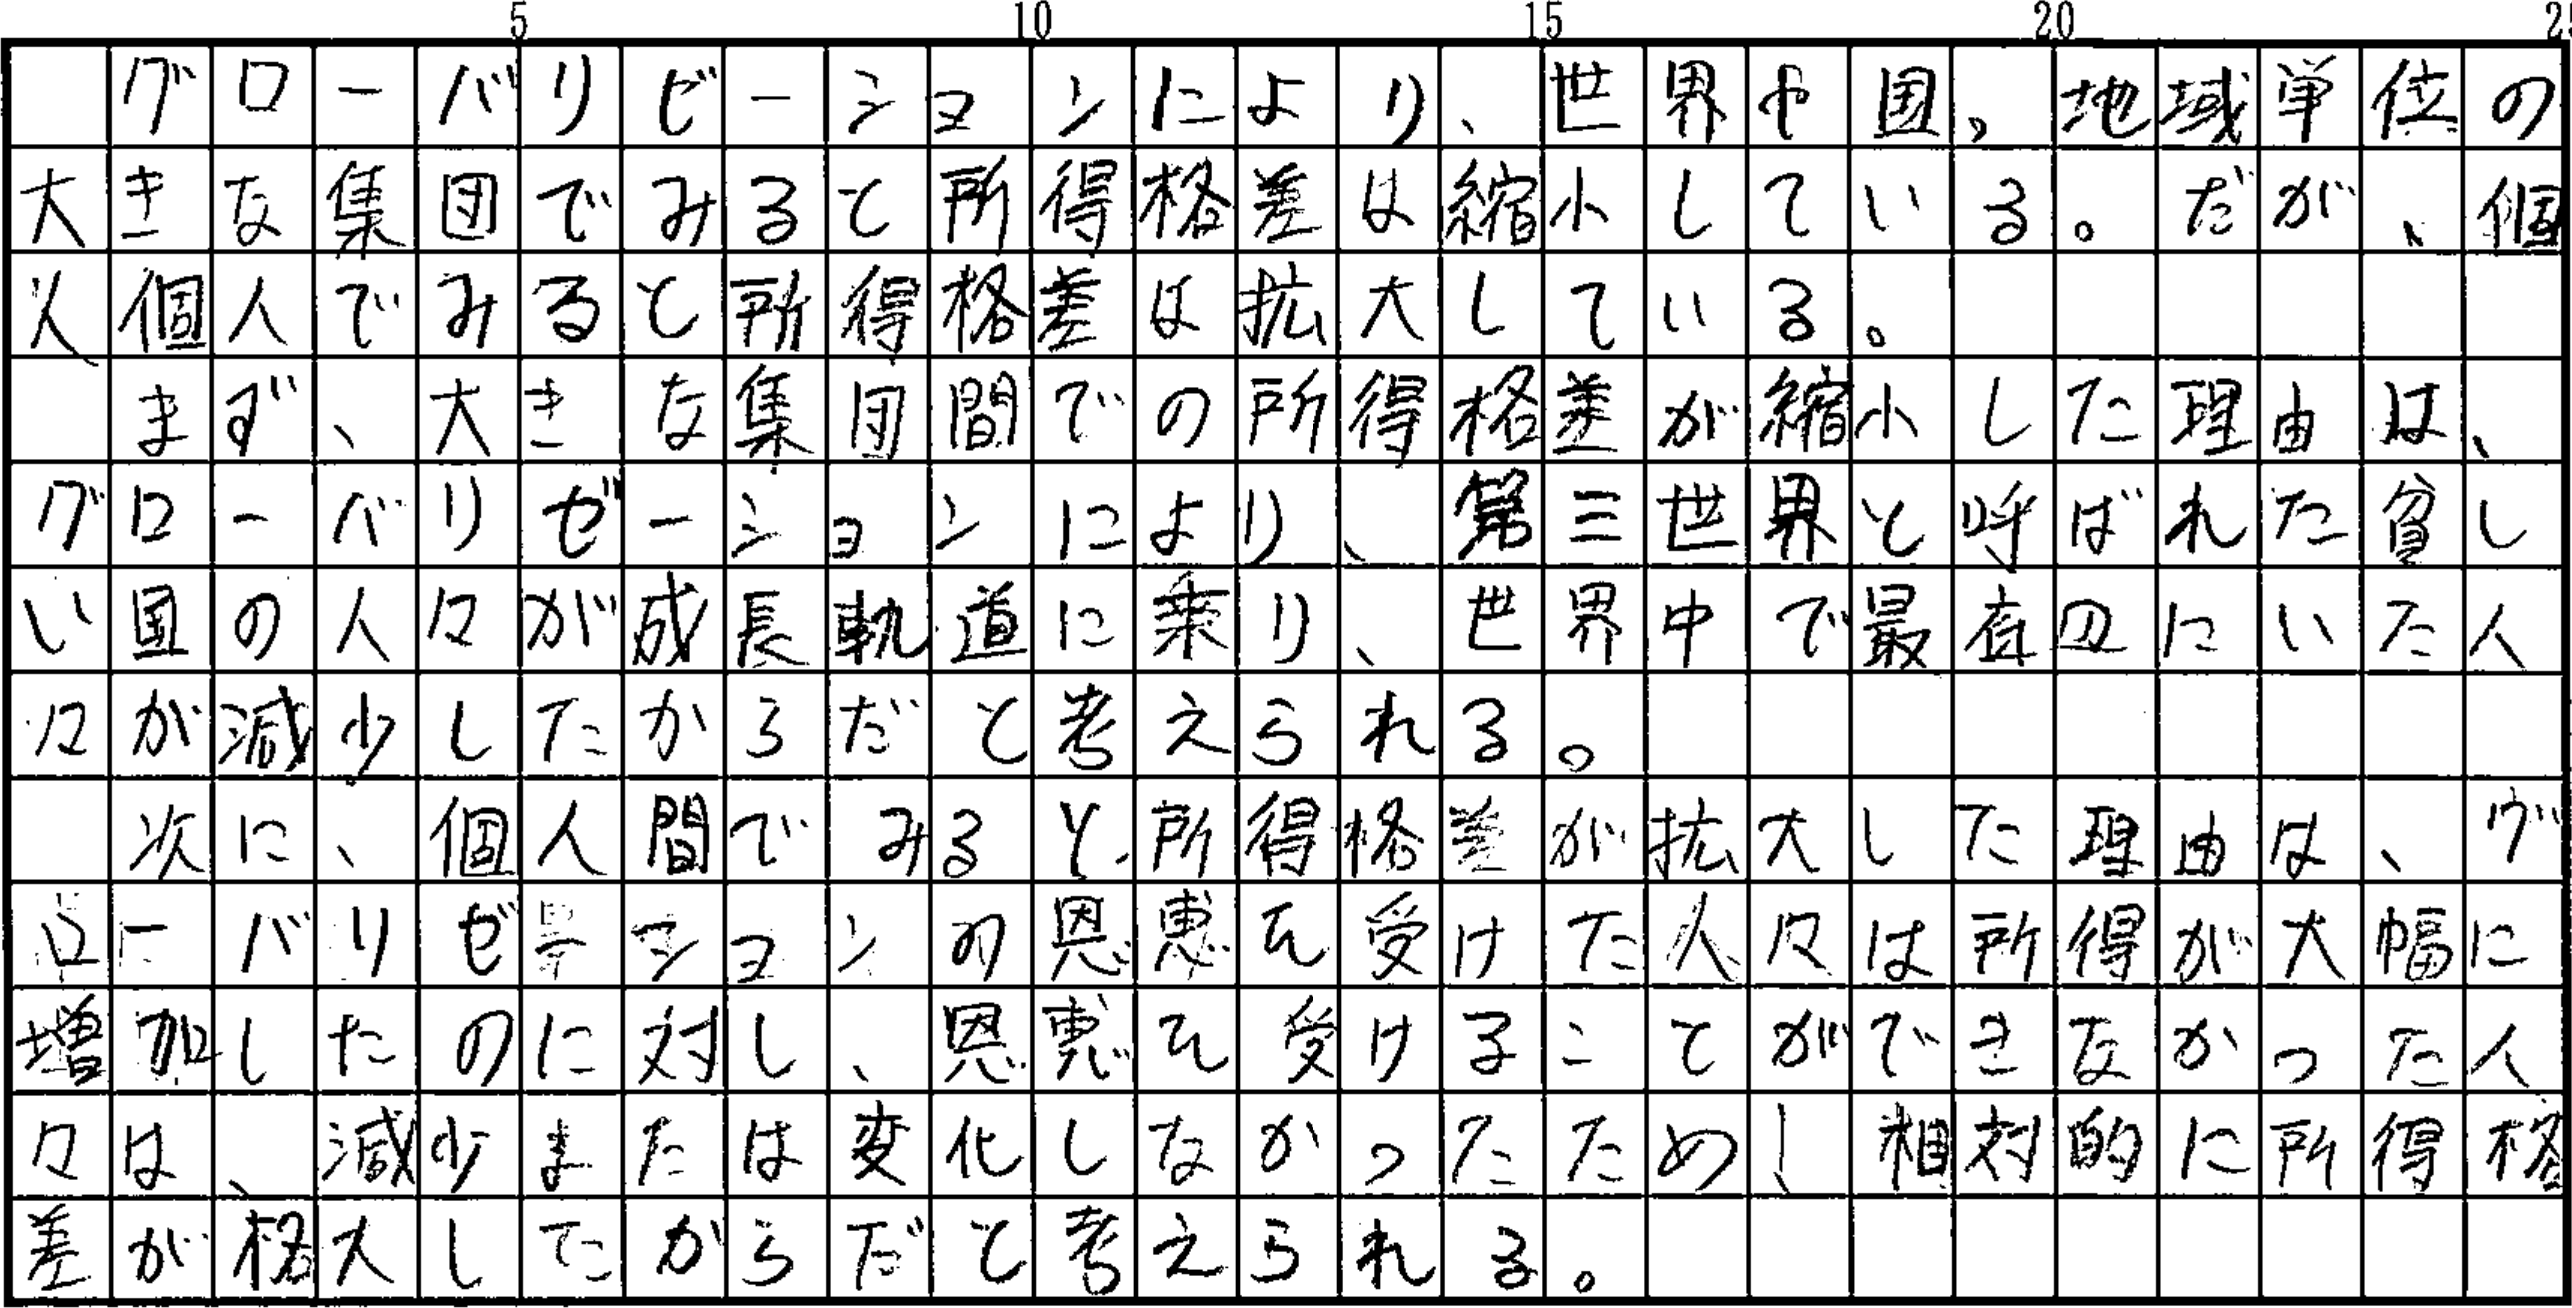　グローバリゼーションにより、世界や国、地域単位の大きな集団で見ると所得格差は縮小している。だが、個人個人で見ると所得格差は拡大している。
　まず、大きな集団間での所得格差が縮小した理由は、グローバリゼーションにより、第三世界と呼ばれた貧しい国の人々が成長軌道に乗り、世界中で最底辺にいた人々が減少したからと考えられる。
　次に、個人間でみると所得格差が拡大した理由は、グローバリゼーションの恩▁を受けた人々は所得が大幅に増加したのに対し、恩▁を受けることができなかった人々は、減少または変化しなかったため、相対的に所得格差が格大したからだと考えられる。
